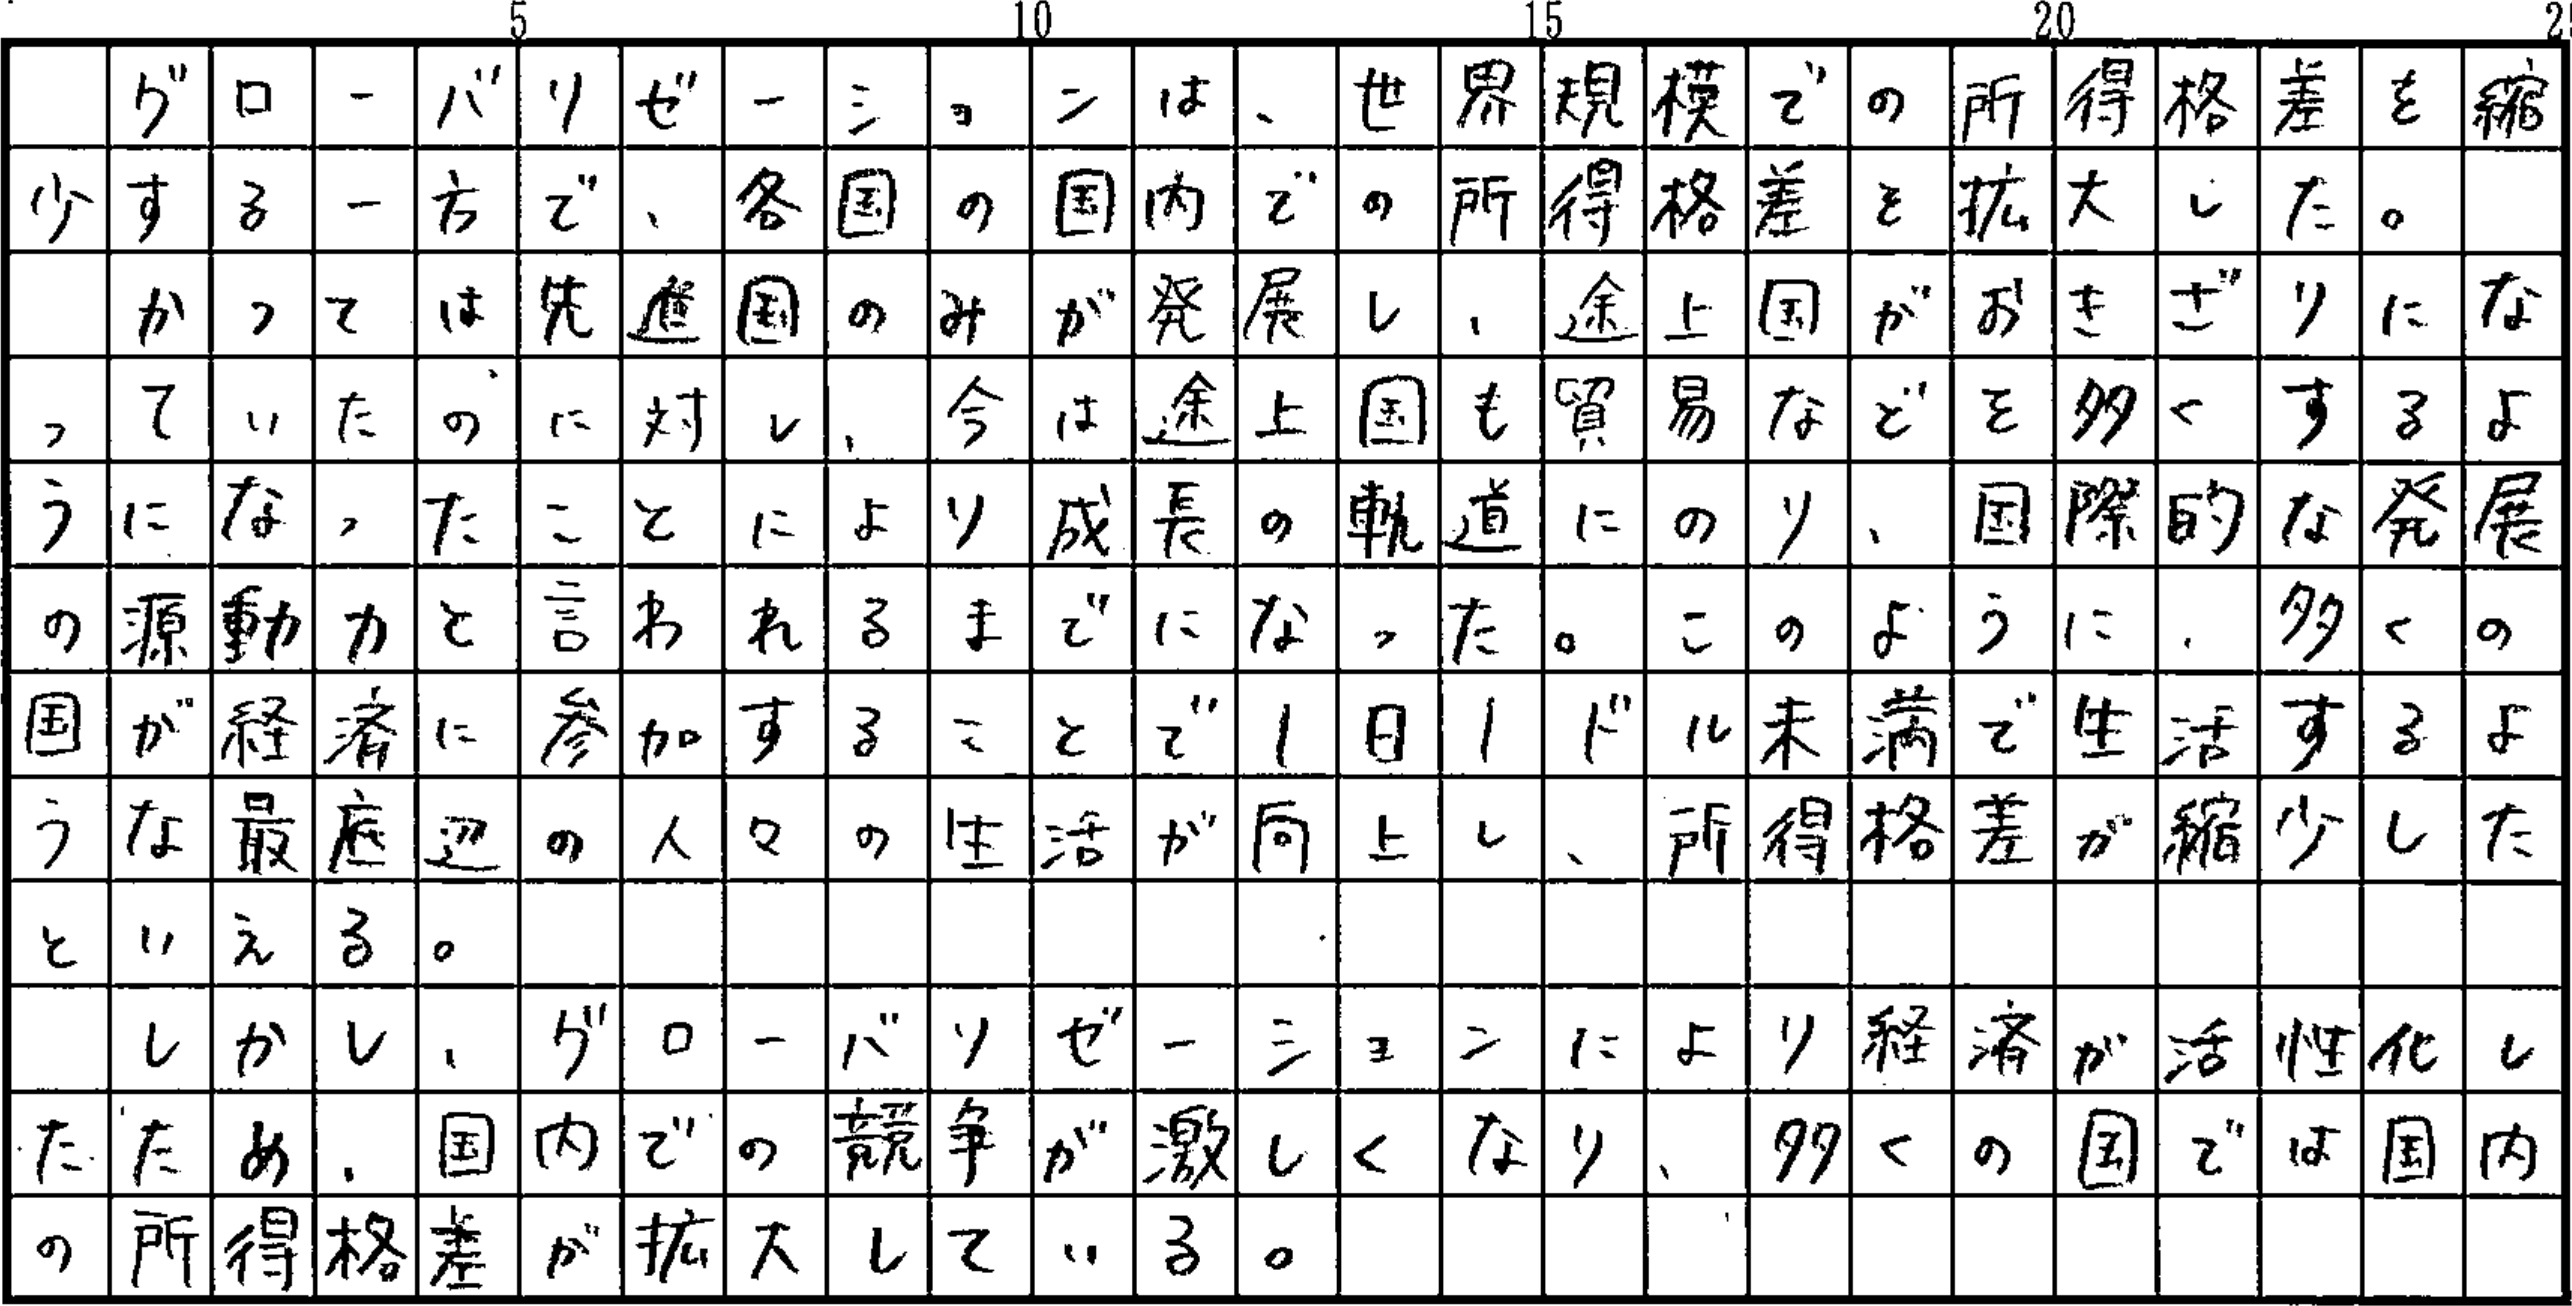　グローバリゼーションは、世界規模での所得格差を縮少する一方で、各国の国内での所得格差を拡大した。
　かつては先進国のみが発展し、途上国がおきざりになっていたのに対し、今は途上国も貿易などを多くするようになったことにより成長の軌道にのり、国際的な発展の源動力と言われるまでになった。このように、多くの国が経済に参加することで１日１ドル未満で生活するような最底辺の人々の生活が向上し、所得格差が縮少したといえる。
　しかし、グローバリゼーションにより経済が活性化したため、国内での競争が激しくなり、多くの国では国内の所得格差が拡大している。
